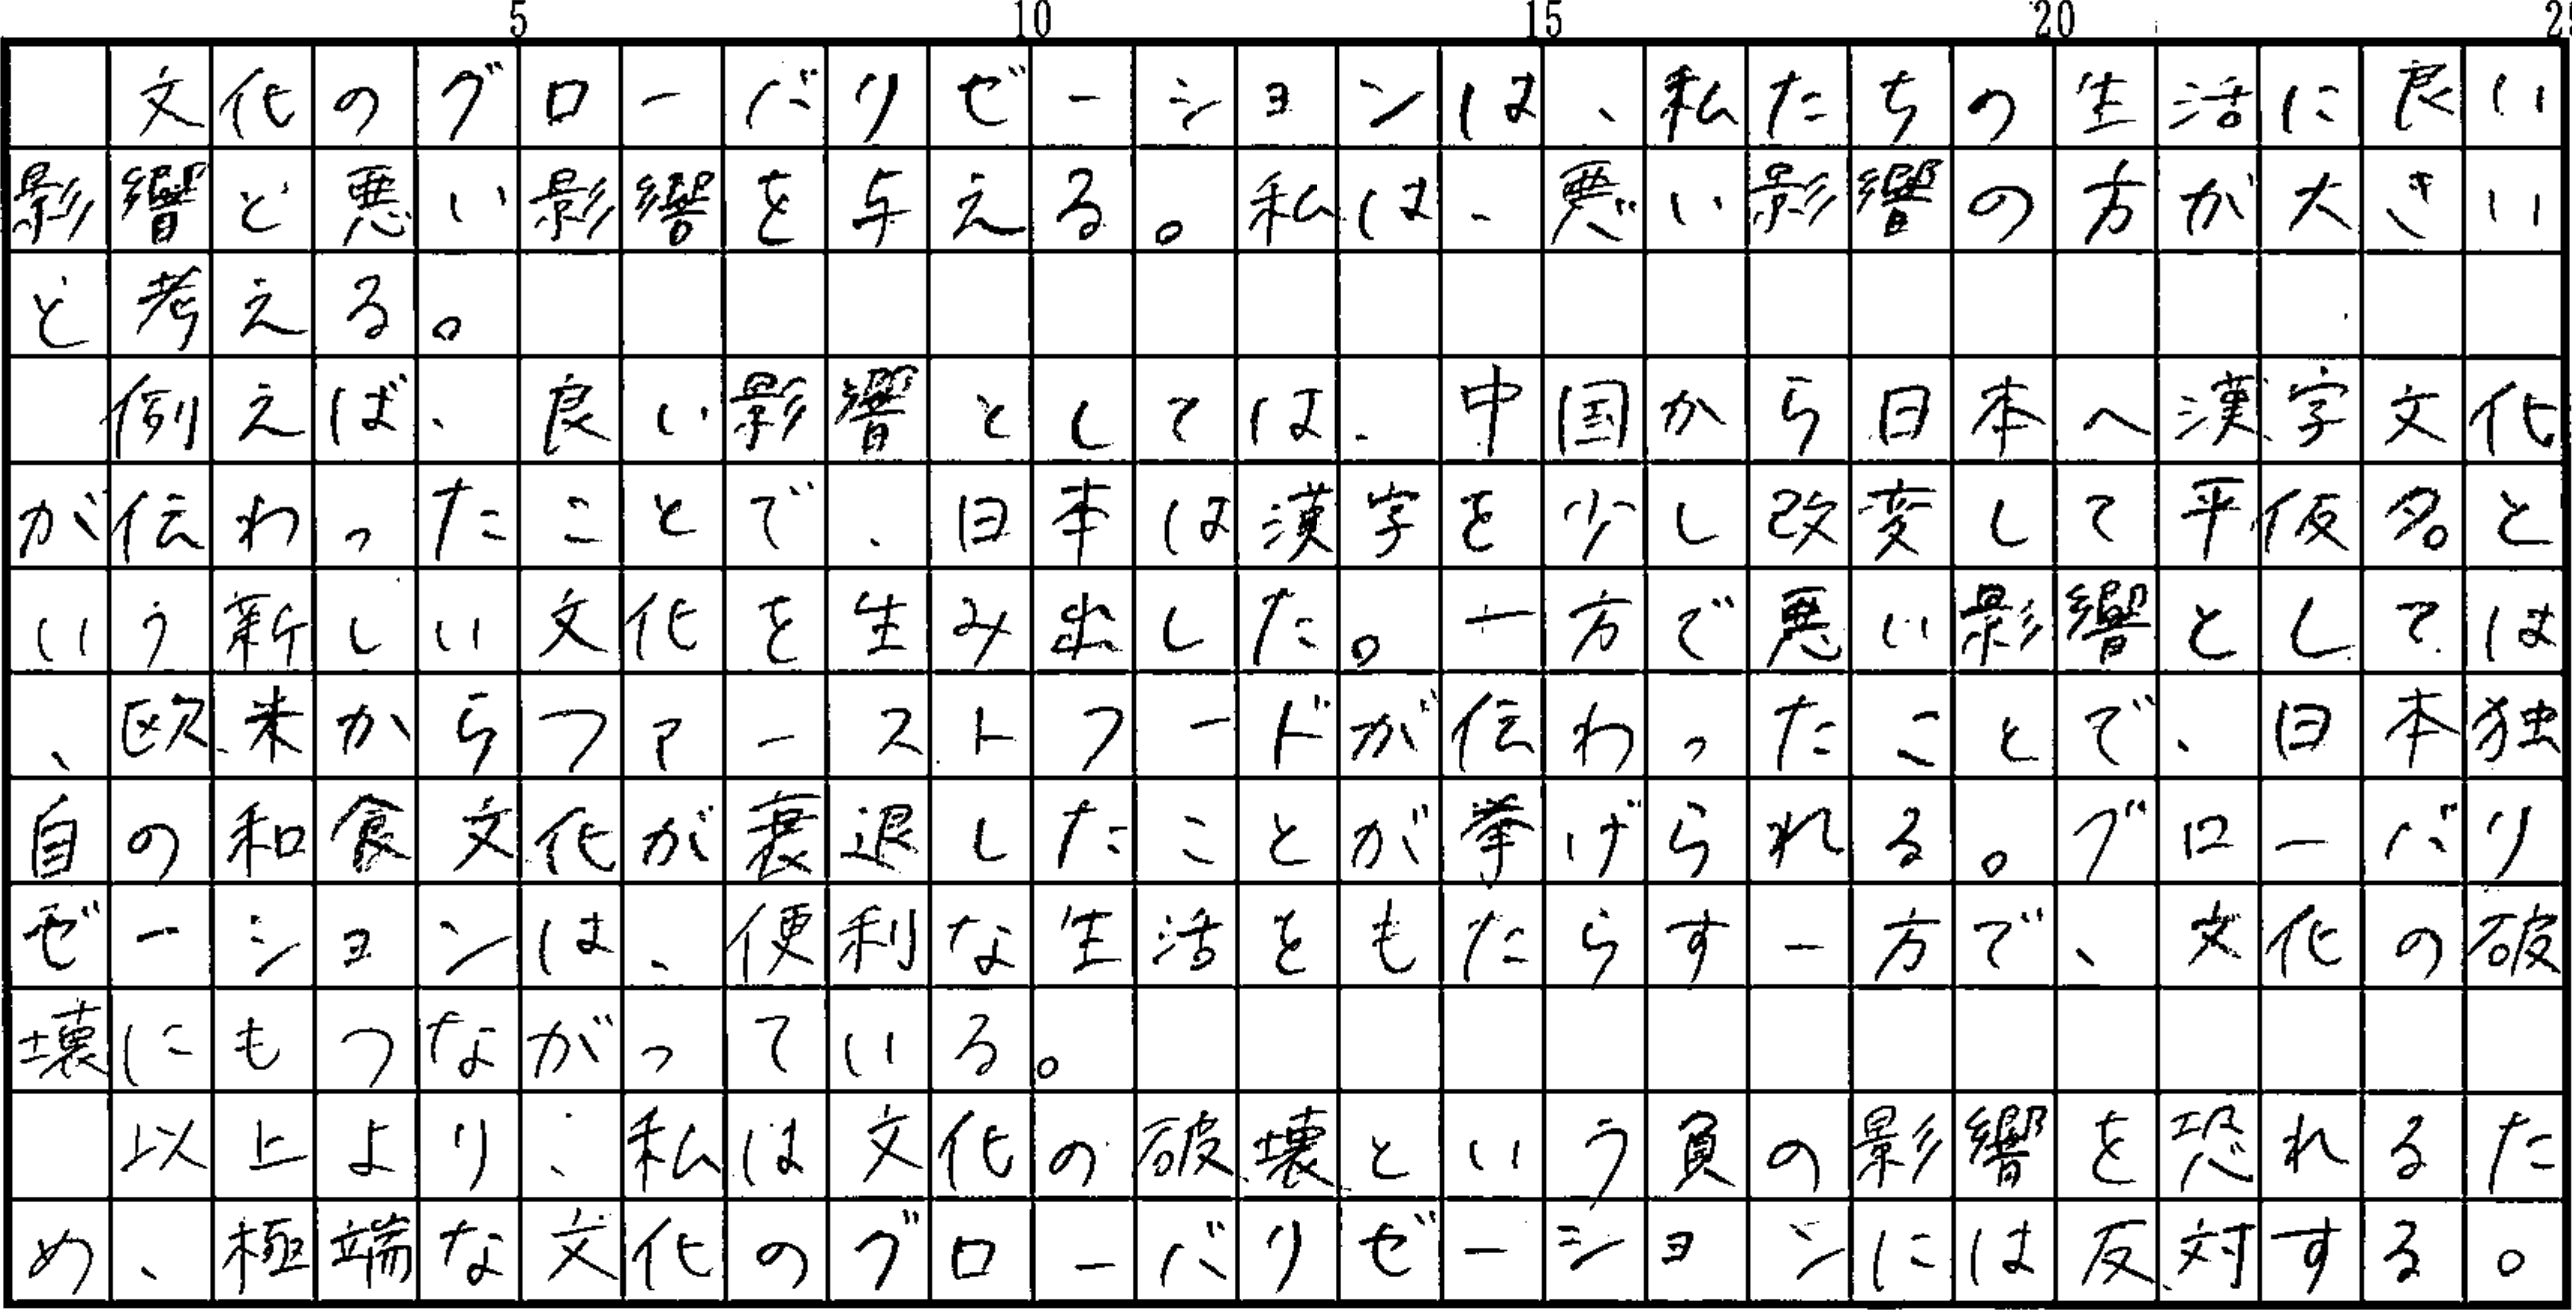　文化のグローバリゼーションは、私たちの生活に良い影響と悪い影響を与える。私は、悪い影響の方が大きいと考える。
　例えば、良い影響としては、中国から日本へ漢字文化が伝わったことで、日本は漢字を少し改変して、平仮名という新しい文化を生み出した。一方で悪い影響としては、欧米からファーストフードが伝わったことで、日本独自の和食文化が衰退したことが挙げられる。グローバリゼーションは、便利な生活をもたらす一方で、文化の破壊にもつながっている。
　以上より、私は文化の破壊という負の影響を恐れるため、極端な文化のグローバリゼーションには反対する。
